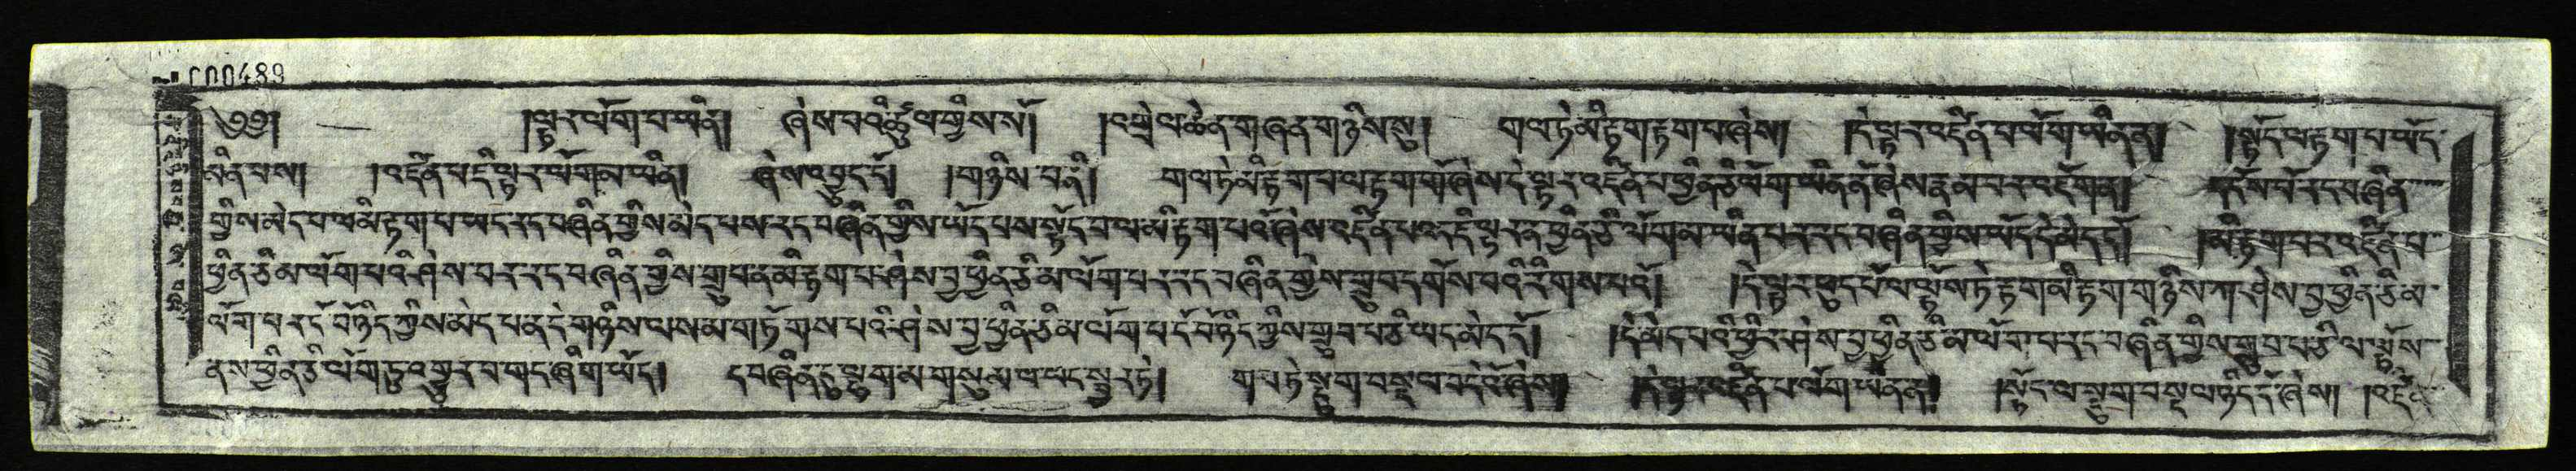༄༅། །ལྟར་ལོག་པ་ཡིན། ཞེས་བའི་ཚུལ་གྱིས་སོ། །འགྲེལ་ཆེན་གཞན་གཉིས་སུ། གལ་ཏེ་མི་རྟག་རྟག་པ་ཞེས། །དེ་ལྟར་འཛིན་པ་ལོག་ཡིན་ན། །སྟོང་ལ་རྟག་པ་ཡོད་
མིན་པས། །འཛིན་པ་ཇི་ལྟར་ལོག་མ་ཡིན། ཞེས་འབྱུང་ངོ། །གཉིས་པ་ནི། གལ་ཏེ་མི་རྟག་པ་ལ་རྟག་གོ་ཞེས་དེ་ལྟར་འཛིན་པ་ཕྱིན་ཅི་ལོག་ཡིན་ནོ་ཞེས་རྣམ་པར་འཇོག་ན། དངོས་པོ་རང་བཞིན་
གྱིས་མེད་པ་ལ་མི་རྟག་པ་ཡང་རང་བཞིན་གྱིས་མེད་པས་རང་བཞིན་གྱིས་ཡོད་པས་སྟོང་པ་ལ་མི་རྟག་པའོ་ཞེས་འཛིན་པའང་ཇི་ལྟར་ན་ཕྱིན་ཅི་ལོག་མ་ཡིན་པར་རང་བཞིན་གྱིས་ཡོད་དེ་མེད་དོ། །མི་རྟག་པར་འཛིན་པ་
ཕྱིན་ཅི་མ་ལོག་པའི་ཤེས་པར་རང་བཞིན་གྱིས་གྲུབ་ན་མི་རྟག་པ་ཤེས་བྱ་ཕྱིན་ཅི་མ་ལོག་པར་རང་བཞིན་གྱིས་གྲུབ་དགོས་པའི་རིགས་པའོ། །དེ་ལྟར་ཕུང་པོ་ལ་ལྟོས་ཏེ་རྟག་མི་རྟག་གཉིས་ཀ་ཤེས་བྱ་ཕྱིན་ཅི་མ་
ལོག་པར་ངོ་བོ་ཉིད་ཀྱིས་མེད་པ་ན་དེ་གཉིས་ལས་མ་གཏོགས་པའི་ཤེས་བྱ་ཕྱིན་ཅི་མ་ལོག་པ་ངོ་བོ་ཉིད་ཀྱིས་གྲུབ་པ་ཅི་ཡང་མེད་དོ། །དེ་མེད་པའི་ཕྱིར་ཤེས་བྱ་ཕྱིན་ཅི་མ་ལོག་པ་རང་བཞིན་གྱིས་གྲུབ་པ་ཅི་ལ་ལྟོས་
ནས་ཕྱིན་ཅི་ལོག་ཏུ་འགྱུར་བ་གང་ཞིག་ཡོད། དེ་བཞིན་དུ་ལྷག་མ་གསུམ་ལ་ཡང་སྦྱར་ཏེ། གལ་ཏེ་སྡུག་བསྔལ་བདེའོ་ཞེས། །དེ་ལྟར་འཛིན་པ་ལོག་ཡིན་ན། །སྟོང་ལ་སྡུག་བསྔལ་ཉིད་དོ་ཞེས། །འཛིན་